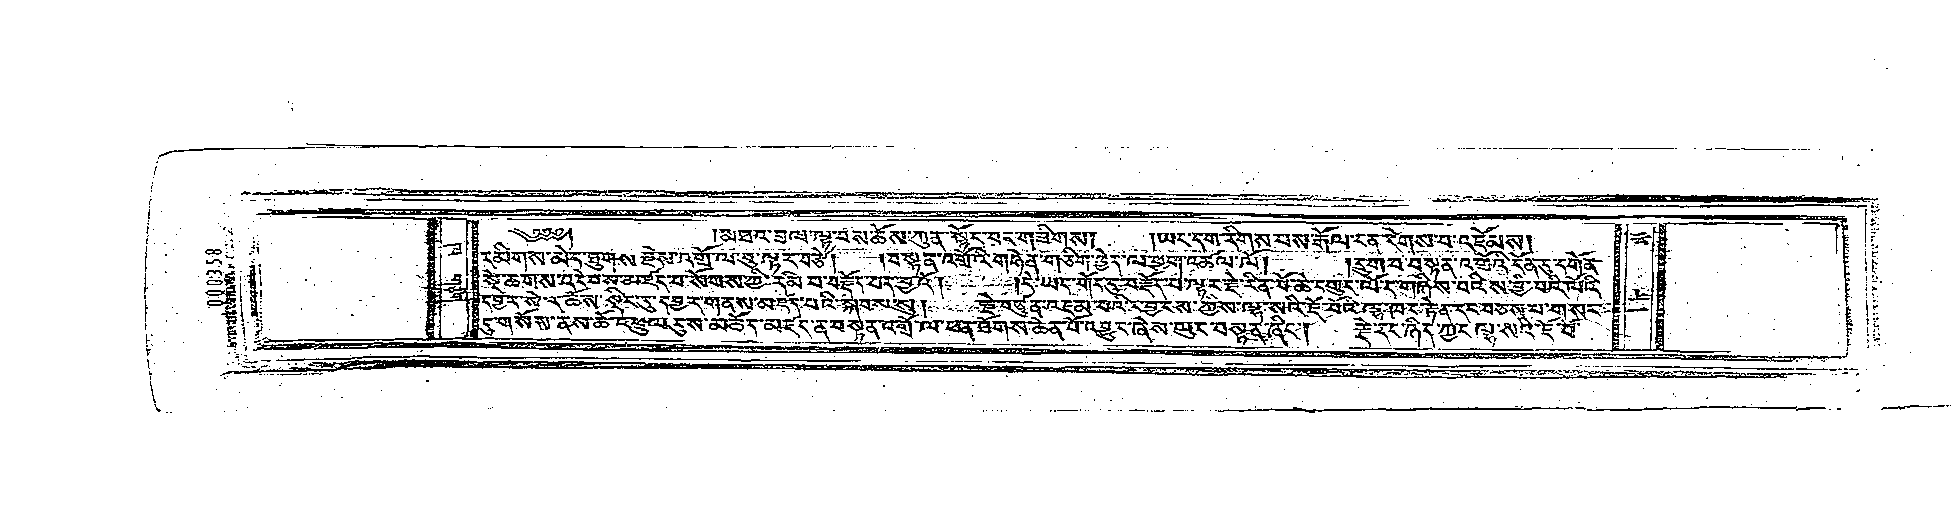དམིགས་མེད་ཐུགས་རྗེས་འགྲོ་ལ་བུ་ལྟར་བརྩེ། །བསྟན་འགྲོའི་གཉེན་གཅིག་ཁྱེད་ལ་ཕྱག་འཚལ་ལོ། །དྲུག་པ་བསྟན་འགྲོའི་དོན་དུ་དགོན་
སྔེ་ཆགས་འདེབས་མཛད་པ་སོགས་ཀྱི་རིམ་པ་བརྗོད་པར་བྱའོ། །དེ་ཡང་གོང་དུ་བརྗོད་པ་ལྟར་རྗེ་རིན་པོ་ཆེ་དགུང་ལོ་ང་གཉིས་པའི་ས་བྱི་བའི་ལོའི་
དབྱར་སེ་ར་ཆོས་སྡིང་དུ་དབྱར་གནས་མཛད་པའི་སྐབས་སུ། རྗེ་བཙུན་འཇམ་པའི་དབྱངས་ཀྱིས་ལྷ་སའི་ཇོ་བོའི་ལྷ་ཁང་རྟེན་དང་བཅས་པ་གསར་
དུ་གསོས་ནས་ཆོ་འཕྲུལ་དུས་མཆོད་མཛད་ན་བསྟན་འགྲོ་ལ་ཕན་ཐོགས་ཆེན་པོ་འབྱུང་ཞེས་ལུང་བསྟན་ཞིང་། རྗེ་རང་ཉིད་ཀྱང་ལྷ་སའི་ཇོ་བོ་